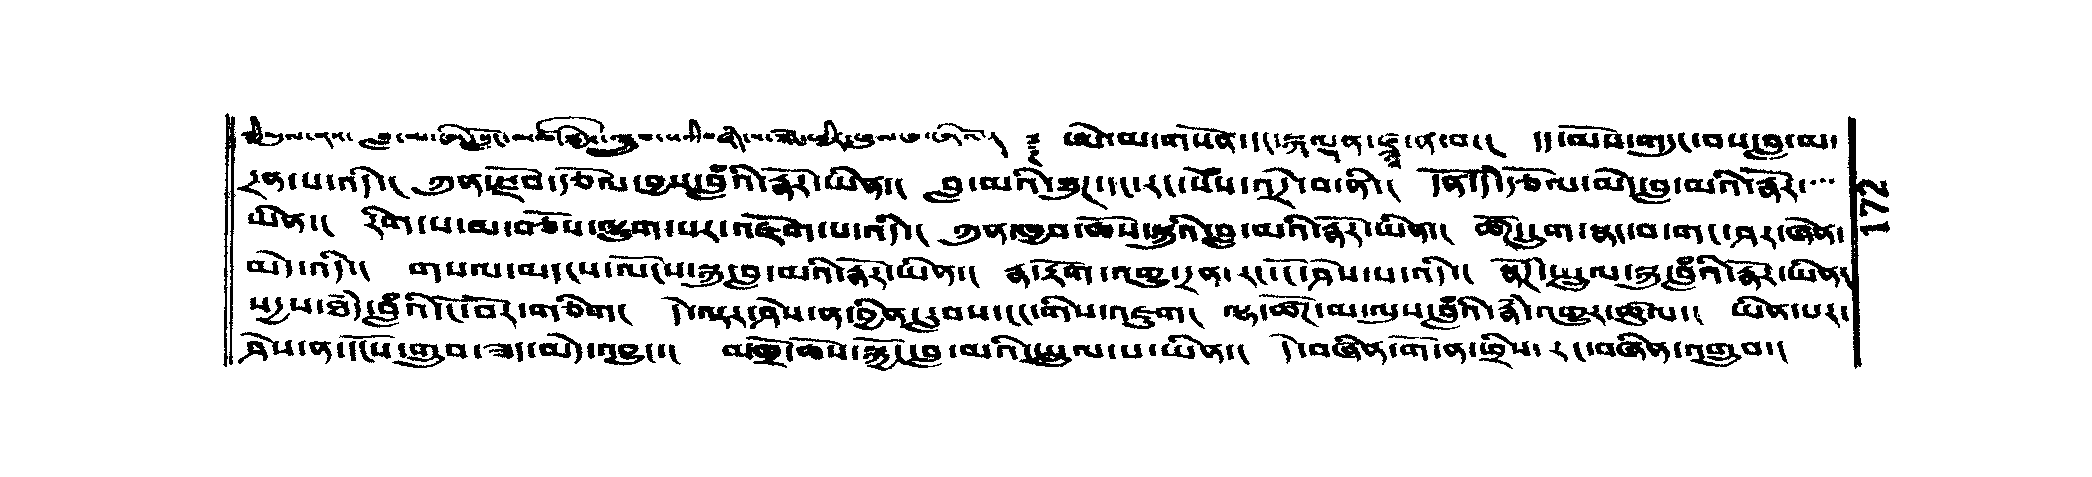ཀྱི་ཡུལ་ནས་བླ་མ་དགེ་སློང་མཚོ་སྐྱེས་སྒྲུབ་པའི་བཞེད་པ་སྐོང་ཕྱིར་ཕུལ་བདགེའོ།། ༈ ཨེ་མ་གསོན་དང་སྐལ་ལྡན་ཛྙཱ་ན་བ། །དད་མོས་གདུང་བས་བླ་མ་
དྲན་པ་འདི། །ཀུན་རྫོབ་རྩོལ་བྱས་བླ་མའི་རྣལ་འབྱོར་ཡིན། །བླ་མའི་ཐུགས་དང་རང་སེམས་འདྲེས་བ་ནི། །དོན་དེ་རྩོལ་མེད་བླ་མའི་རྣལ་འབྱོར་
ཡིན། །རིག་པ་མ་བཅོས་ལྷུག་པར་འཇོག་པ་འདི། །ཀུན་ཁྱབ་ཆོས་སྐུའི་བླ་མའི་རྣལ་འབྱོར་ཡིན། ཚོགས་དྲུག་སྣང་བ་གང་ཤར་ཞེན་
མེད་འདི། གསལ་གདངས་ལོངས་སྐུ་བླ་མའི་རྣལ་འབྱོར་ཡིན། །རྣམ་རྟོག་འགྱུ་དྲན་རང་ངོ་ཤེས་པ་འདི། །སྣ་ཚོགས་སྤྲུལ་སྐུ་བླ་མའི་རྣལ་འབྱོར་ཡིན། །
སངས་རྒྱས་ཐམས་ཅད་བླ་མའི་ངོ་བོར་གཅིག །དེ་ལྟར་ཤེས་ན་བྱིན་རླབས་ངང་གིས་འཇུག །ལྷ་ཚོགས་མ་ལུས་བླ་མའི་རྣམ་འགྱུར་ཚུལ། །ཡིན་པར་
ཤེས་ན་དངོས་གྲུབ་ཟད་མེད་འབྱུང་། །མཁའ་འགྲོ་ཆོས་སྐྱོང་བླ་མའི་སྤྲུལ་པ་ཡིན། །དེ་བཞིན་གོ་ན་ཕྲིན་ལས་རང་བཞིན་འགྲུབ།